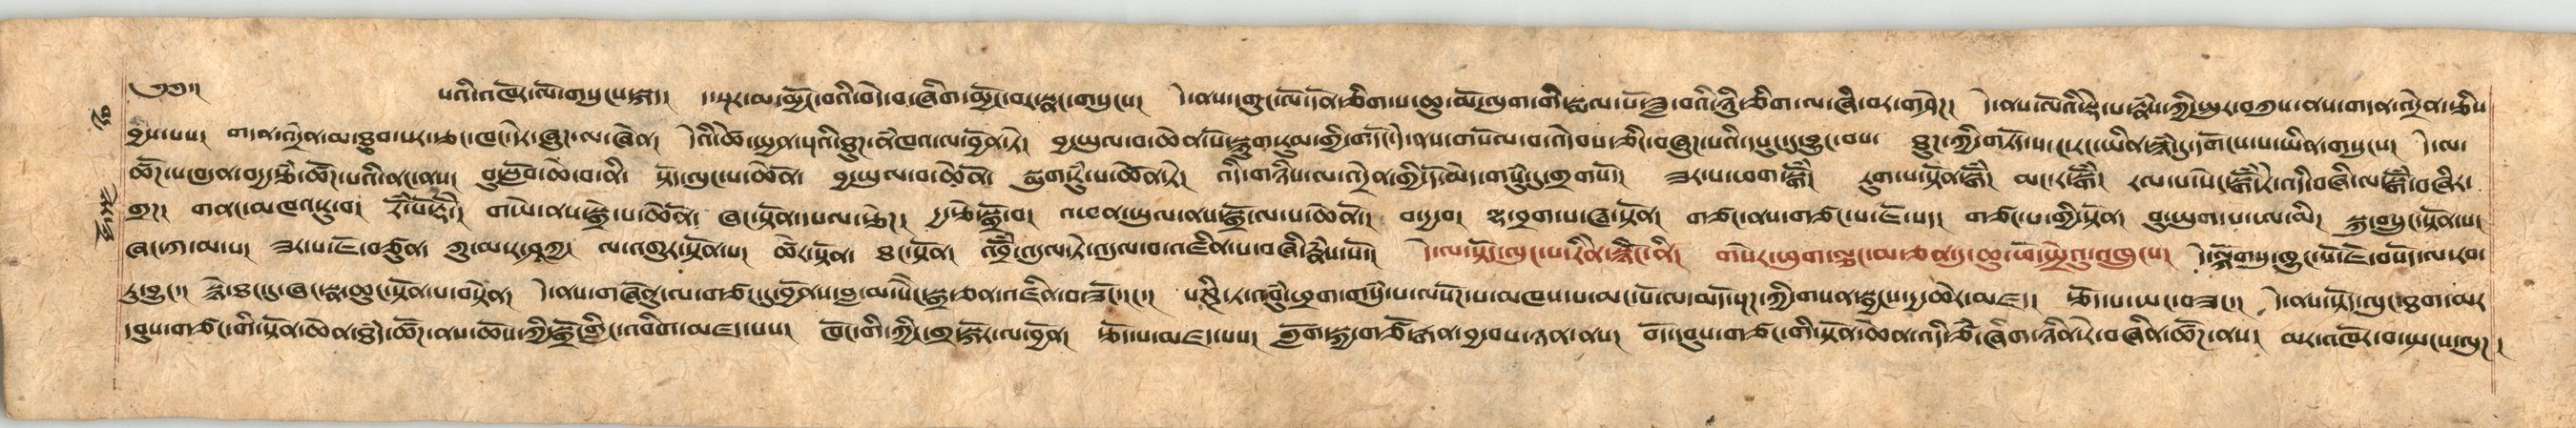པའི་འཁོར་ལོ་གསུང་སྐད། ད་སྔར་མ་མྱོང་བའི་བདེ་བ་ཞིག་མྱོང་བར་སྣང་གསུངས། དེ་ནས་དགུང་ལོ་དོན་ཅིག་པ་ཆུ་མོ་ལུག་གི་སྨལ་པོ་ཟླ་བའི་ཉིུ་ཅིག་ལ་ཞི་བར་གཤེཌ། དེ་ནས་ལོའི་སྡེ་པ་རྣཾསཀྱི་སྤུར་བཀུས་ནས་གདན་འདྲེན་རྩིས
བྱས་པས། གདན་འདྲེན་མ་ཐུབ་པར་རྩང་ཁང་དེར་ཞུཌ་ལ་ཞེན། དེའི་ཚེ་སྤྱན་སྔའི་ཐུཌ་ནཾཁའ་ལ་བྱོན་ཏེ། བྱ་ཡུལ་བ་ཆེན་པོ་སྙུག་རུམ་གྱི་གདོང་དེ་ནས་གསོལ་བ་འདེབས་ཅིང་བཞུཌ་པའི་པང་དུ་བྱུང་བས། ཐུཌ་ཀྱི་གཏོད་ས་ང་རང་ཡིན་སྙཾ་དུ་དགོངས་པ་ཡིན་གསུངས། དེ་ལ་
ཚོཌ་པ་བདུན་བདྱ་ཙཾ་ཚོཌ་པའི་ནང་ནས། བུ་སློབ་ཆེ་བ་ནི། སྟོད་ལུང་པ་ཆེནོ། བྱ་ཡུལ་བ་ཆེནོ། སྨྱུག་རུཾ་པ་ཆེནོ་ཏེ། འདི་གཉིས་ལ་འདྲེན་གྱི་དོ་མེད་གསུཾ་དུ་གྲགས་སོ། ཟར་པ་ཕག་སྒོཾ། རུག་པ་སྟོན་སྒོཾ། མང་ར་སྒོཾ། རལ་པ་སེང་སྒོཾ་ཏེ་འདི་བཞི་ལ་སྒོཾ་བཞིར་
གྲཌ། གནང་མཁའ་རུ་བ། རོཾ་པོ་རྡོེ། གཡེ་ནས་སྒྲེ་པ་ཆེནོ། ཞང་སྟོན་དཔལ་བརྩེཌ། དྱ་རྩེ་སྒྲོ་བ། འཕན་ཡུལ་ནས་སྒྲོ་ལ་པ་ཆེན་པོ་། བ་དྱ་བ། ལྷ་བྲག་པ་ཝ་སྟོན། གཙང་ནས་གཙང་པ་ཇོ་སད། གཙང་པ་གྱི་སྟོན། འུ་ཡུག་པ་ཨ་མི། སྐུ་བསྲུང་སྟོན་པ།
ཞང་ཀ་མ་པ། ཟར་པ་ཇོ་བཙུན། ཀུ་མ་ར་ཤཱཀྱ། ལ་འགུར་སྟོན་པ། ཚེར་སྟོན། ཐང་སྟོན། འབྲོཾ་འདུལ་ཏེ་འདུལ་བ་འཛིན་པ་བཞི་རྣཾས་སོ་། དེ་ལ་སྟོད་ལུང་པ་རིནེ་སྙིངོ་ནི། གསེར་ཕུག་ལྕང་མ་ཅན་དུ་ཆུ་ཕོ་སྤྲེའུ་སྐུ་འཁྲུངས། དེ་ལྐོགསུ་ཁྱུང་པོ་ཇོ་བསོད་ལ་རབ་
ཏུ་བྱུང་། སྙེ་ཐང་དུ་ཞང་སྣ་ཆུང་སྟོན་པ་བསྟེན། དེ་ནས་གཞོནུ་ལ་གཙང་དུ་བྱོནས་བླ་མ་སཻང་སྒྲ་ཅན་འཛིན་བཟོང་དང་། པཎྜི་ཏ་འབུཾ་ཕྲག་གསུཾ་པ་ལསོཌ་པ་མཁས་པ་མང་པོ་ལ་མདོ་སྔཌ་ཀྱི་གསན་སྦྱངས་དྱ་ཆེར་མཛད། རྩོད་པ་ཡང་བཟང་། དེ་ནས་སྟོད་ལུང་ཐག་མར
དབུས་གཙང་གི་སྟོན་ཆེན་ཐཾད་ཚོཌ་ནས་ཆོས་ཀྱི་སྒྲོ་གླིང་འབིག་མཛད་པས། ཁོང་གི་ཀྱང་གྲ་སྐོར་ལ་བྱོན། རྩོད་པ་མཛད་པས། གློག་སྐྱ་གཙོ་རྒན་བྱ་བས་ཉན་ནས། བོད་དབུས་གཙང་གི་སྟོན་ཆེན་འདི་ཙཾ་ཞིག་ཉིན་རེ་བཞིན་ཚོཌ་ནས། མར་འཁོར་བ་སྤངས་ལུཌ